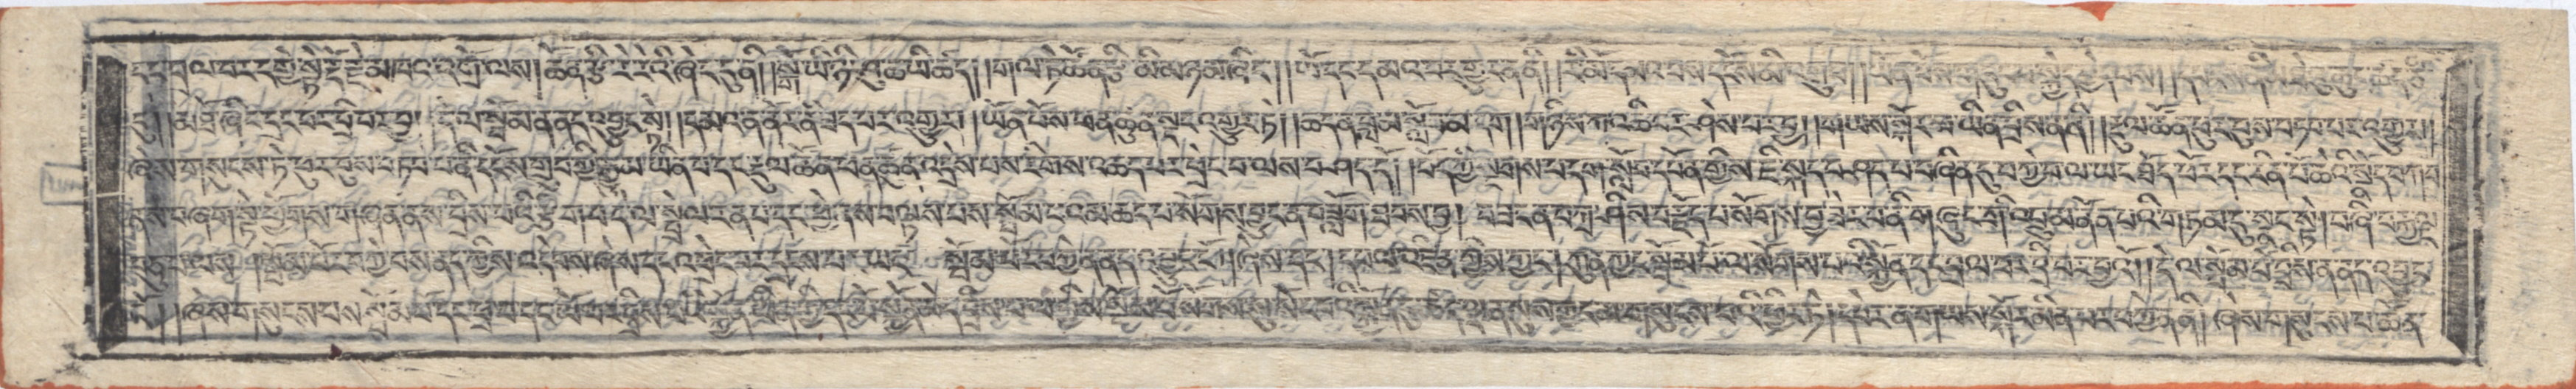དང་བྲལ་བར་དགྱེ་སྟེ་རྡོ་རྗེ་མཁའ་འགྲོ་ལས། ཚོན་རྩི་རེ་རེའི་ཞེང་དུ་ནི། །སྒོ་ཡི་ཉི་ཤུ་ཆ་ཡི་ཚད། །གལ་ཏེ་ཚོན་རྩི་མི་མཉམ་ཞིང་། །ཡོ་དང་དམའ་བར་གྱུར་ན་ནི། །རི་མོ་དམའ་བས་དངོས་མི་འགྲུབ། །ཡོན་པོས་གདུང་བ་སྐྱེད་བྱེད་པས། །དཔངས་ནི་མཐེའུ་ཆུང་ཚད་ཙམ་
དུ། །མཐོ་ཞིང་དྲང་བར་བྲི་བར་བྱ། །དེ་ལ་སྦོམ་ན་ནད་འབྱུང་སྟེ། །དམའ་ན་ནོར་ནི་ཟད་པར་འགྱུར། །ཡོན་པོས་ཕན་ཚུན་སྡང་འགྱུར་ཏེ། །ཆད་ན་བླ་མ་སློབ་མ་དག །གཉིས་ཀ་འཆི་བར་ཤེས་པར་བྱ། །གཡས་སྐོར་མ་ཡིན་བྲིས་ན་ནི། །རྡུལ་ཚོན་ཕུར་བུས་བཏབ་པར་འགྱུར། །
ཞེས་གསུངས་ཏེ་ཕུར་བུས་བཏབ་པ་ནི་དངོས་གྲུབ་ཀྱི་རྒྱུ་མ་ཡིན་པ་དང་རྡུལ་ཚོན་ཕན་ཚུན་འདྲེས་པས་རིགས་འཆད་པར་ཕྲེང་བ་ལས་བཤད་དོ། །བོད་ཀྱི་སྔགས་པ་དག་སློབ་དཔོན་གྱིས་ཇི་སྐད་བཤད་པ་བཞིན་དུ་བཀྱེ་བ་ལ་ཡང་ཐོད་ཕོར་དང་རིན་པོ་ཆེའི་སྣོད་བཀབ་
ནས་བཞག་སྟེ་ཕྱོགས་གཞན་ནས་བྲིས་པའི་རྩིག་པ་དེ་ལ་སྦྲེལ་རན་པ་དང་ཕྱེ་ནས་བལྟས་པས་སྦོམ་པའམ་ཆད་པ་སོགས་བྱུང་ན་བཟློག་ཐབས་བྱ། བཟང་ན་བཀྲ་ཤིས་བརྗོད་པ་སོགས་བྱ་ཟེར་བ་ནི་གཞུང་གི་འབྲུ་མ་ནོན་པའི་གཏམ་དུ་སྣང་སྟེ། བཞི་བརྐྱ་ལྔ་
བཅུ་པ་ལས། སྦོམ་པོར་བཀྱེ་བས་ནད་ཀྱིས་འདེབས་ཞེས་དང་འཕྲེང་བར་དྲངས་པར་ཡང་སྦོམ་པོར་བཀྱེ་ན་ནད་འབྱུང་ངོ། །ཞེས་དང་། དཔལ་འཛིན་གྱིས་ཀྱང་། ཀུན་ཀྱང་སྦོམ་པོ་ལ་སོགས་པའི་སྐྱོན་དང་བྲལ་བར་བྲི་བར་བྱའོ། །དེ་ལ་སྦོམ་པོ་བྲིས་ན་ནད་འབྱུང་
ངོ། །ཞེས་གསུངས་པས་སྦོམ་པོ་དང་ཕྲ་བ་དང་ཡོ་བར་བྲིས་པའི་སྐྱོན་ཡིན་གྱི་དང་པོ་སྐྱོན་མེད་བྲིས་པ་ལ་ཕྱིས་སྦོམ་པོ་སོགས་སུ་སོང་བའི་སྐྱོན་དུ་ཚད་ལྡན་སུས་ཀྱང་མ་གསུངས་པའི་ཕྱིར་ཏེ། དཔེར་ན་གཡས་སྐོར་མིན་པར་བཀྱེ་ན་ནི། ཞེས་གསུངས་པ་ཚོན་